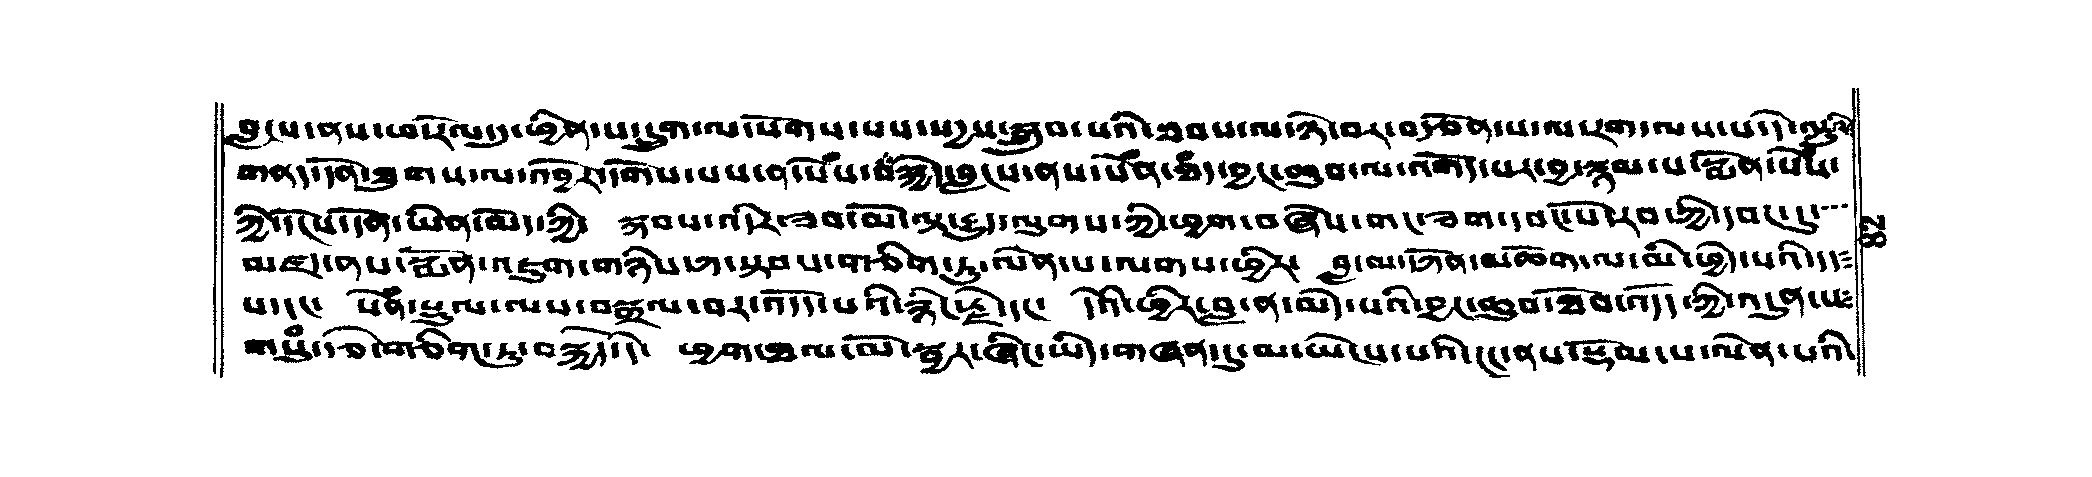བླངས་ནས་ཕ་རོལ་དུ་ཕྱིན་པ་དྲུག་ལ་སོགས་པས་སངས་རྒྱས་སྒྲུབ་པའི་ཐབས་ལ་ཉེ་བར་བརྩོན་པ་ལ་རག་ལས་པ་དེ་ལྟ་བུའི་
གནད་དོན་ཐུགས་ལ་འབྱོར་དགོས་པས་ན་སེམས་སྐྱེད་བླངས་ནས་སེམས་ཅན་ཐམས་ཅད་བྱང་ཆུབ་ལ་འགོད་པར་བྱ་སྙམ་པ་སྨོན་སེམས་
ཀྱི་དངོས་དོན་ཡིན་མོད་ཀྱི། སྐབས་འདིར་ཟབ་མོ་ལྟ་རྒྱུད་ལུགས་ཀྱི་ཕྱག་བཞེས་གང་ཟག་དབང་པོ་རབ་ཀྱི་དབང་དུ་
མཛད་ནས་སྨོན་འཇུག་གཉིས་ཀ་སྟབས་གཅིག་ཏུ་ལེན་པ་ལགས་ཕྱིར། བླ་མ་དཀོན་མཆོག་ལ་མི་ཕྱེད་པའི་དད་
པ་དང་། སེམས་ཅན་སྡུག་བསྔལ་ལས་བསྒྲལ་བར་འདོད་པའི་སྙིང་རྗེ་དང་། དེའི་ཕྱིར་བླ་ན་མེད་པའི་བྱང་ཆུབ་ཐོབ་འདོད་ཀྱི་འདུན་པ་
གསུམ་རྩེ་གཅིག་ཏུ་བསྐྱོད་དེ། ཕྱག་ཐལ་མོ་སྦྱར་ཞིང་ཡོད་གཞན་དུ་མ་ཡེངས་པའི་ངང་ནས་སྡོམ་པ་ལེན་པའི་